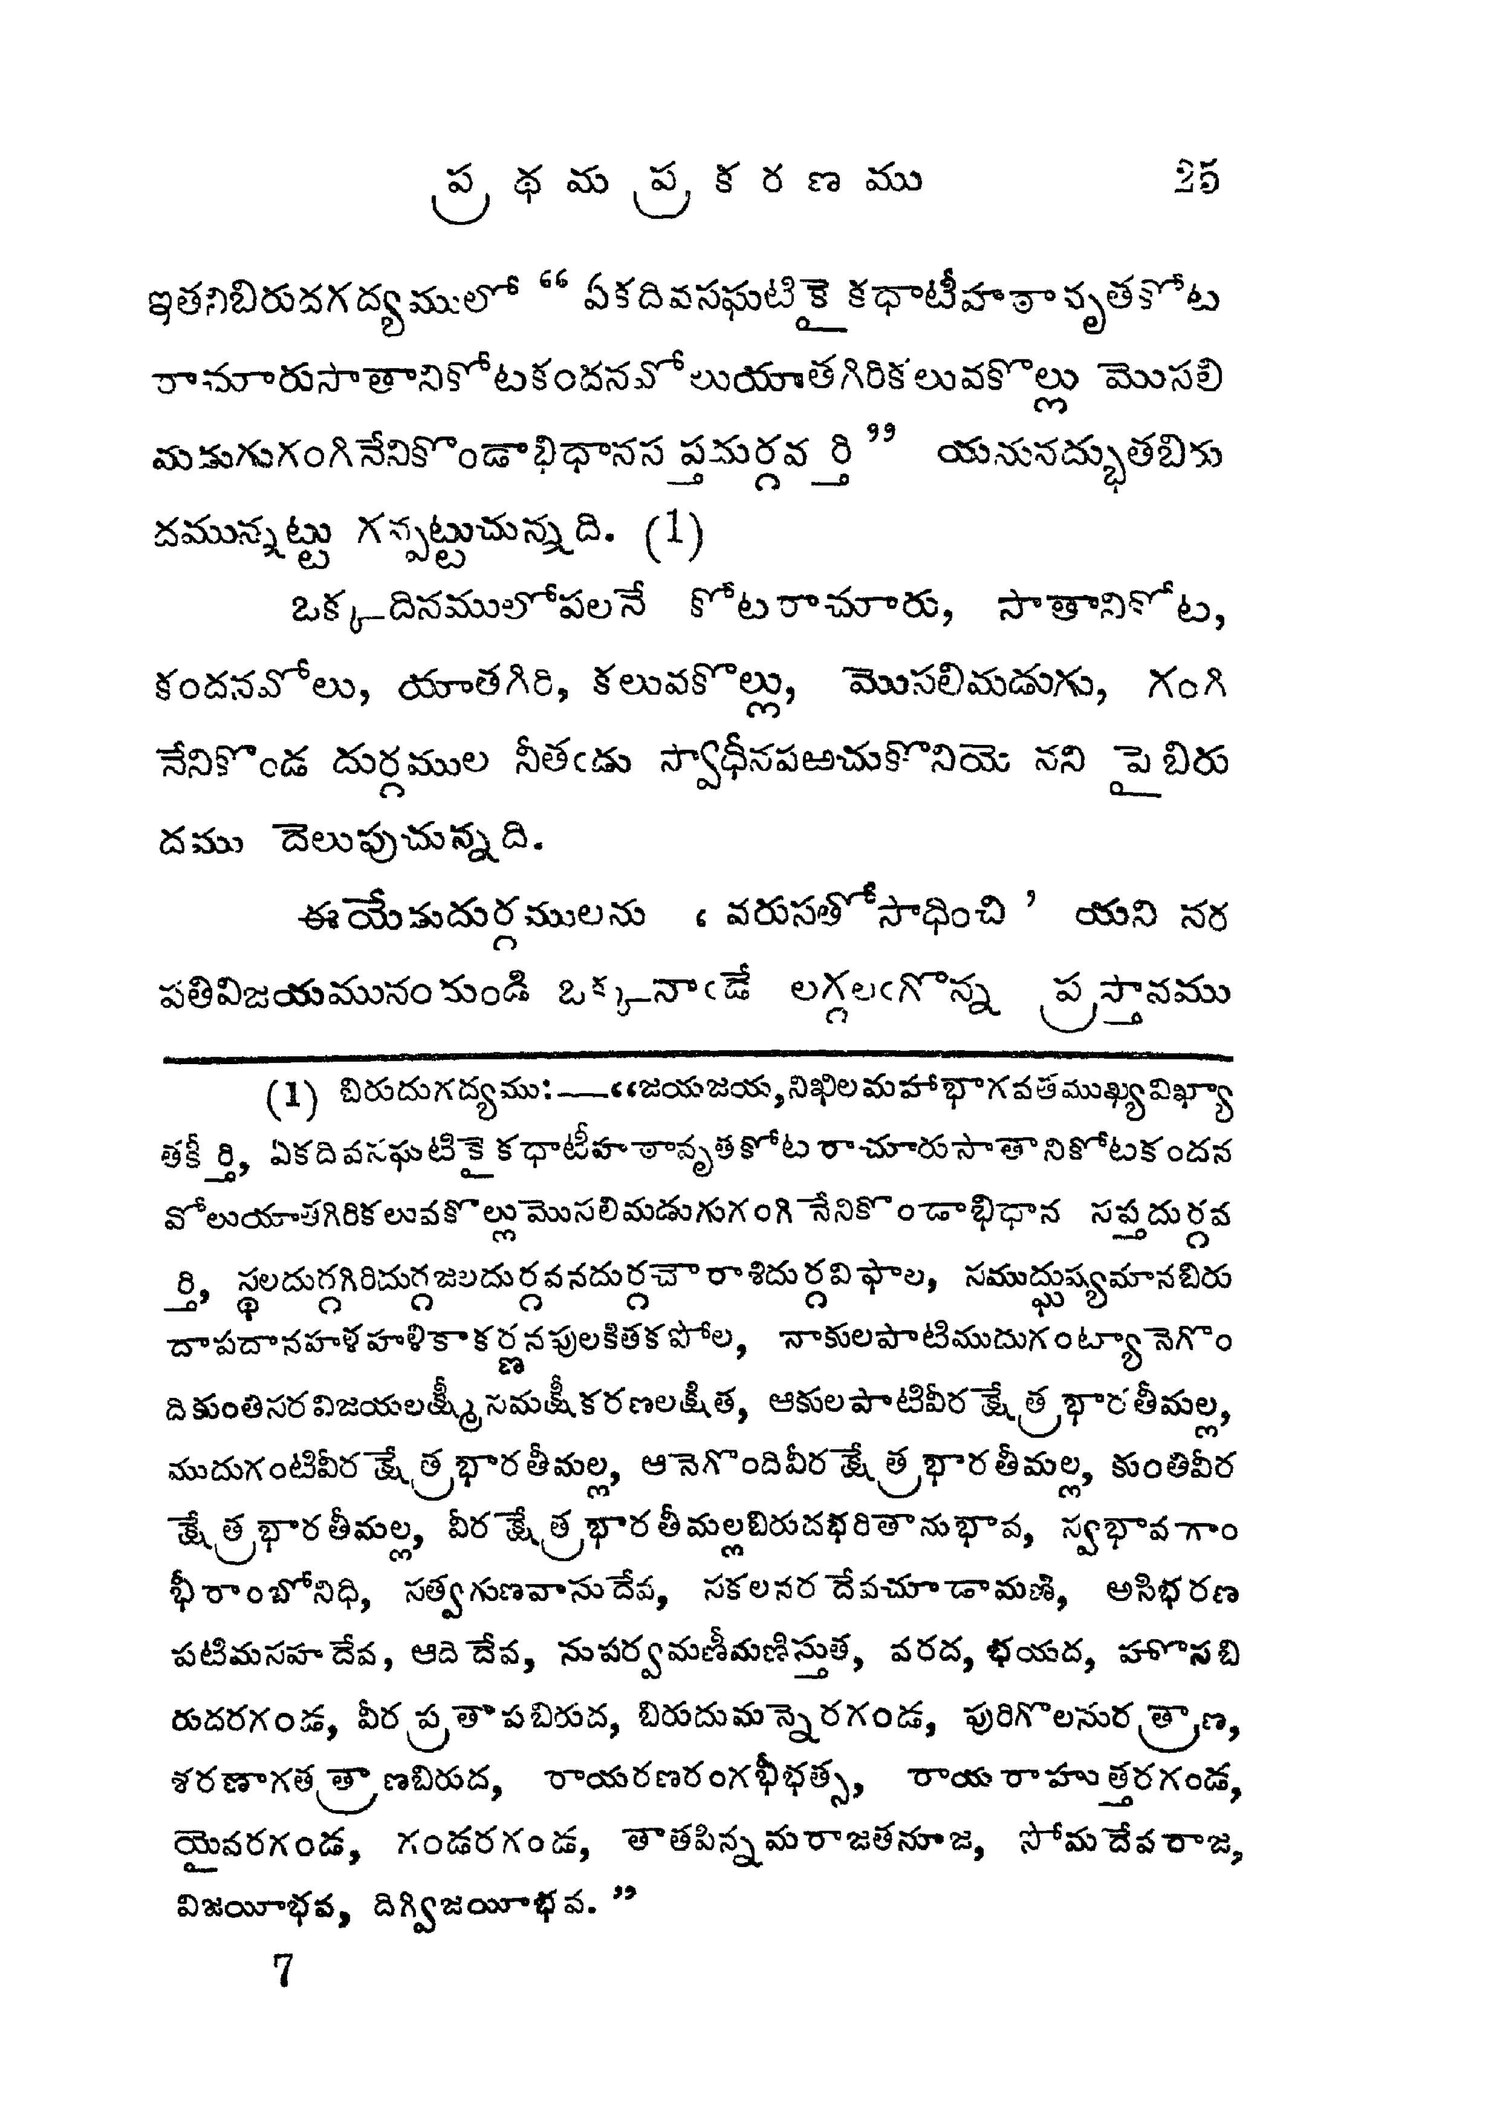ఇతనిబిరుదగద్యములో "ఏకదివసఘటికైకధాటీహఠావృతకోట రాచూరుసాతానికోట కందనవోలు యాతగిరికలువకొల్లు మొసలిమడుగుగంగినేనికొండాభిధానసప్తదుర్గవర్తి" యనునద్భుతబిరు దమున్నట్టు గన్పట్టుచున్నది. 

ఒక్కదినములోపలనే కోటరాచూరు, సాతనికోట, కందనవోలు, యాతగిరి, కలువకొల్లు, మొసలిమడుగు, గంగినేనికొండ దుర్గముల నీతడు స్వాధీనపఱచుకొనియె నని పైబిరుదము దెలుపుచున్నది.

ఈయేడుదుర్గములను 'వరుసతోసాధించి' యని నరపతివిజయమునందుండి ఒక్కనాడే లగ్గల గొన్న ప్రస్తావము